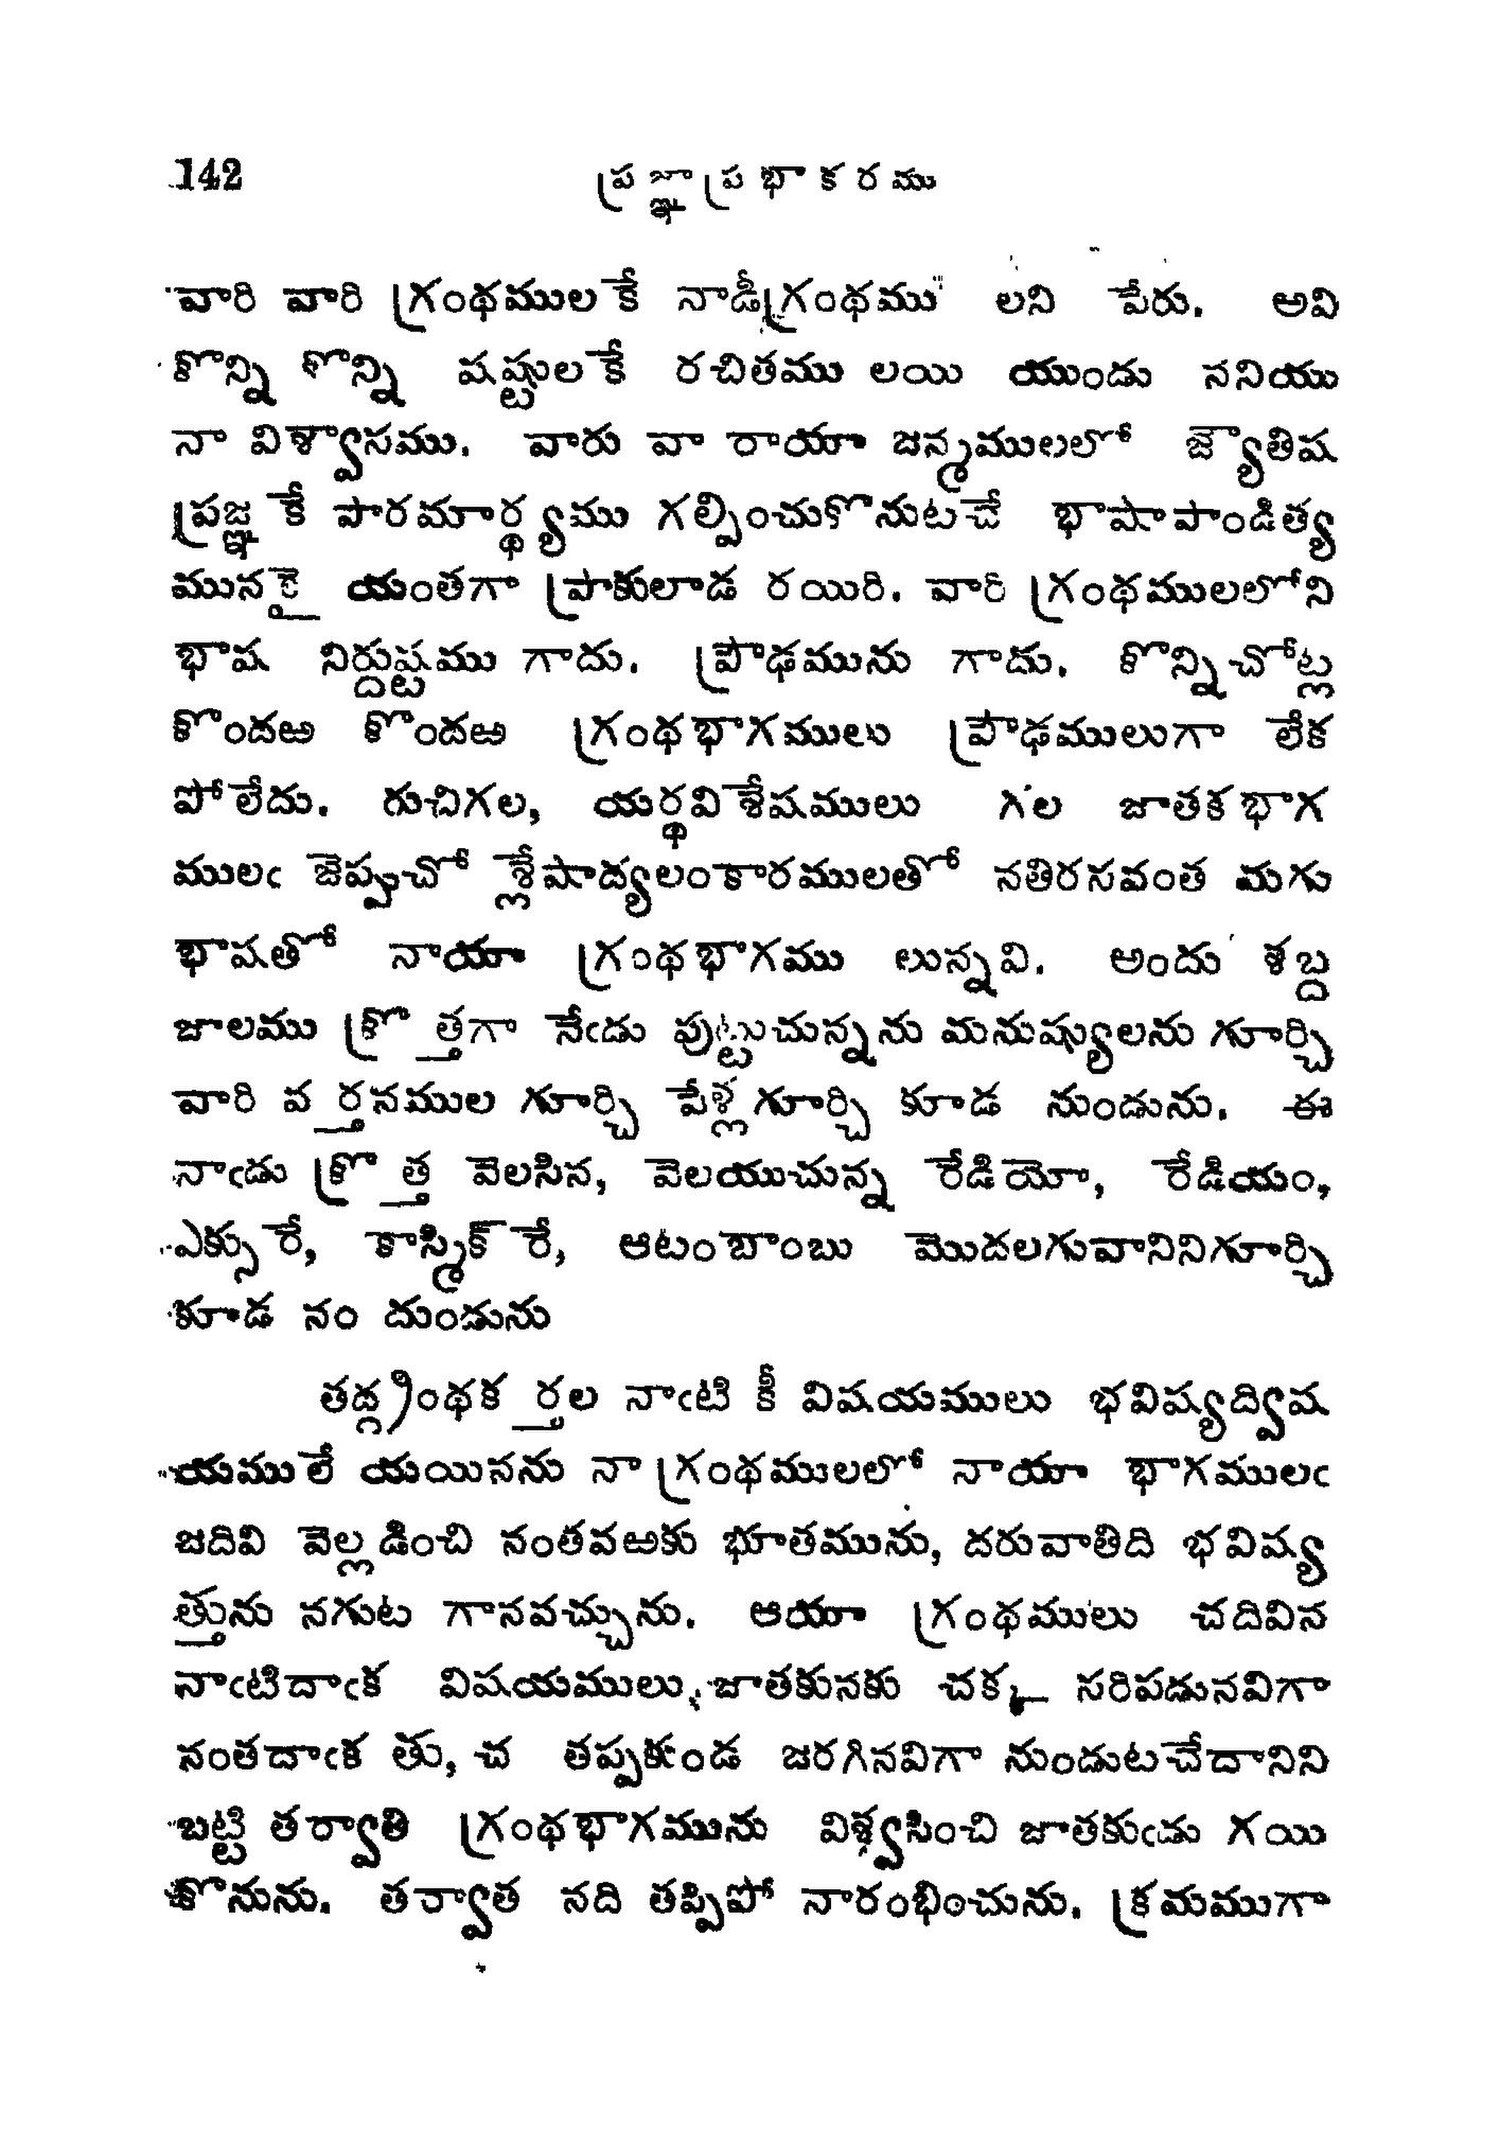వారి వారి గ్రంధములకే నాడీ గ్రంధము లని పేరు. అవి కొన్ని కొన్ని షష్టులకే రచితము లయి యుండు ననియు నావిశ్వాసము. వారువారాయాజన్మములలో జ్యౌతిష ప్రజ్ఞ కే పారమార్ధ్యము గల్పించుకొనుటచే భాషాపాండిత్యమునకై యంతగాప్రాకులాడ రయిరి. వారి గ్రంధముల లోనిభాషనిర్దుష్టముగాదు. ప్రౌఢములుగాలేకపోలేదు. రుచిగల, యరద విశేషముల గల జాతక భాగములఁ జెప్పుచో శ్లేషాద్యలంకారములతో నతి రసవంతమగు భాషతో నాయా గ్రంధ భాగము లున్నవి. అందు శబ్దజాలము క్రొత్తగా నేఁడు పుట్టుచున్నను మనుష్యులను గూర్చి వారి వర్తనముల గూర్చి పేళ్ళ గూర్చి కూడ నండును. ఈ నాఁడు క్రొత్త వెలసిన, వెలయు చున్న రేడియో, రేడియం, ఎక్సురే, కాస్మిక్రే, ఆటంబాంబు మొదలగు వానిని గూర్చి కూడ నందుం డును.

తద్గృంధక ర్తల నాఁటి కీ విషయములు భవిష్యద్విషయములే యయినను నా గ్రంధములలో నాయా భాగములఁ జదివి వెళ్ళడించి నంతవఱకు భూతమును, దరు వాతిది భవిష్య త్తును నగుట గాన వచ్చును. ఆయా గ్రంధములు చదివిన నాఁటి దాఁక విషయములు జాతకునకు చక్క సరిపడునవిగా నంత దాఁక తు. చ తప్పకుండ జరిగినవిగా నుండుటచే దానిని బట్టి తర్వాతి గ్రంధబాగమును విశ్వసించి జాతకుఁడు గయికొనును. తర్వాత నదితప్పిపో నారంభించును. క్రమముగా